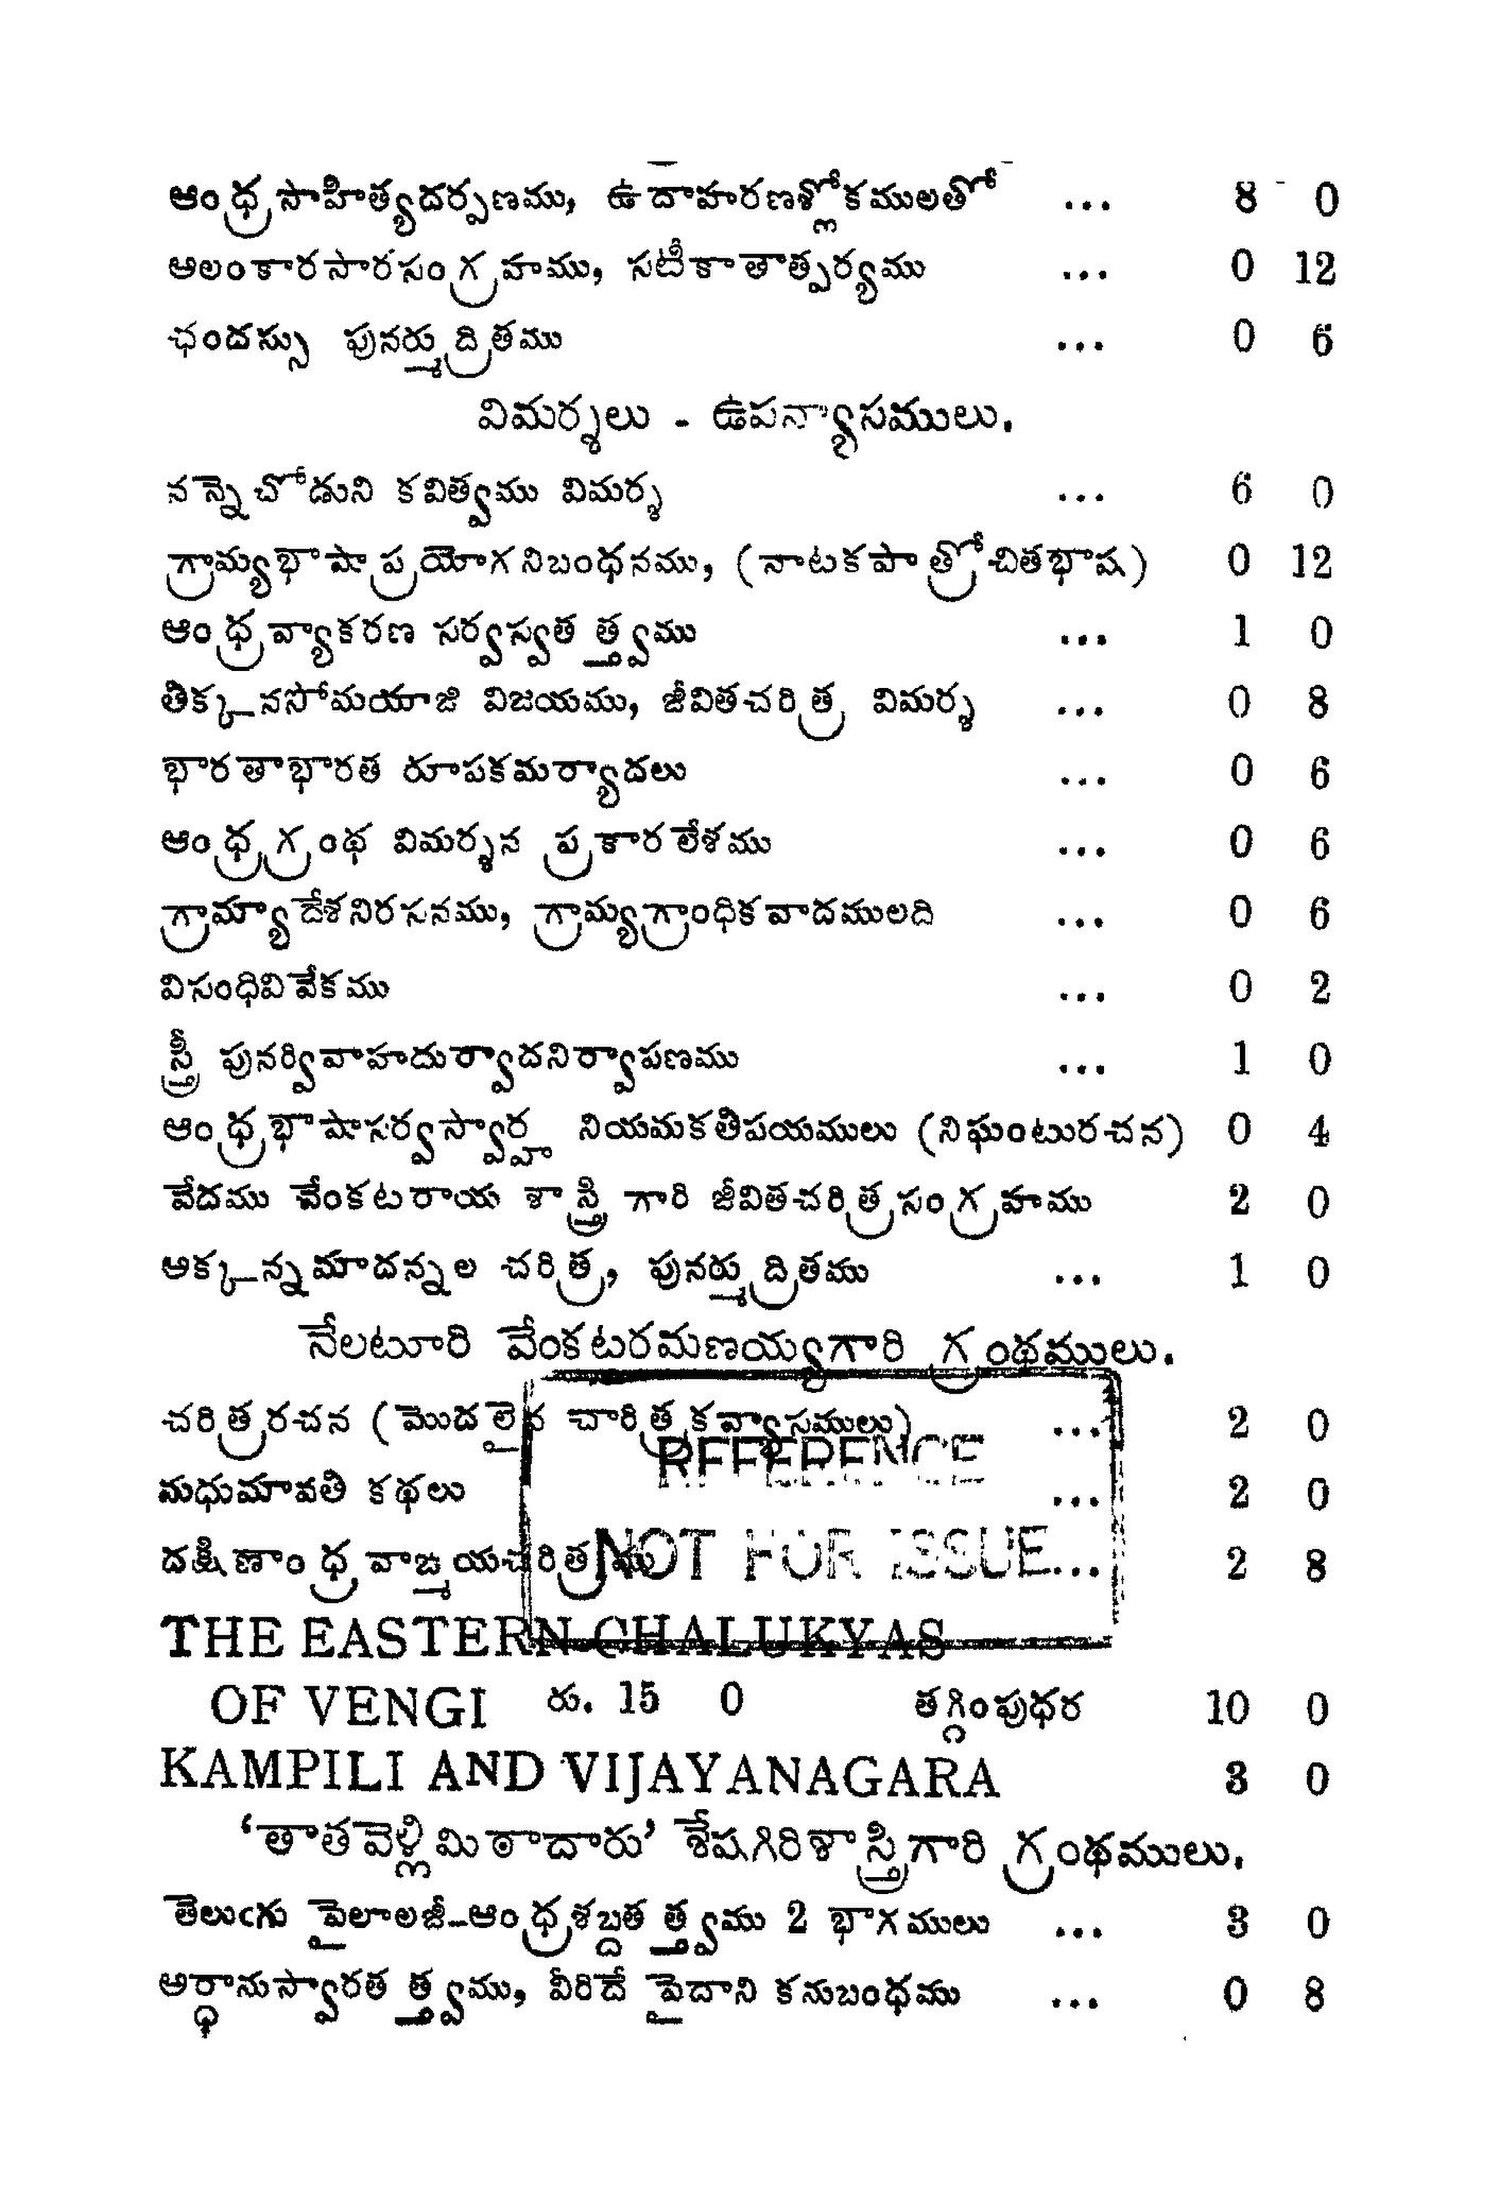ఆంధ్రసాహిత్యదర్పణము, ఉదాహరణశ్లోకములతో 8 0 అలంకారసారసంగ్రహము, సటీకాతాత్పర్యము 0 12 ఛందస్సు పునర్ముద్రితము 0 6

 విమర్శలు - ఉపన్యాసములు. రు. అ. నన్నెచోడుని కవిత్వము విమర్శ 6 0 గ్రామ్యభాషాప్రయోగనిబంధనము, (నాటకపాత్రోచితభాష) 0 12 ఆంధ్రవ్యాకరణ సర్వస్వతత్త్వము 1 0 తిక్కనసోమయాజి విజయము జీవితచరిత్ర విమర్శ 0 8 భారతాభారత రూపకమర్యాదలు 0 6 ఆంధ్రగ్రంథ విమర్శన ప్రకారలేశము 0 6 గ్రామ్యాదేశనిరసనము, గ్రామ్యగ్రాంధికవాదములది 0 6 విసంధివివేకము 0 2 స్త్రీ పునర్వివాహదుర్వాదనిర్వాపణము 1 0 ఆంధ్రభాషాసర్వస్వార్హ నియమకతిపయములు (నిఘంటురచన) 0 4 వేదము వేంకటరాయ శాస్త్రిగారి జీవితచరిత్రసంగ్రహము 2 0 అక్కన్నమాదన్నల చరిత్ర, పునర్ముద్రితము 1 0

 నేలటూరి వేంకటరమణయ్యగారి గ్రంథములు. రు. అ. చరిత్రరచన (మొదలైన చారిత్రకవ్యాసములు) 2 0 మధుమావతి కథలు 2 0 దక్షిణాంధ్రవాఙ్మయచరిత్రము 2 8 THE EASTERN CHALUKYAS OF VENGI రు. 15 0 తగ్గింపుధర 10 0 KAMPILI AND VIJAYANAGARA 8 0 ‘తాతవెళ్లిమిఠాదారు’ శేషగిరిశాస్త్రిగారి గ్రంథములు తెలుఁగు పైలాలజీ-ఆంధ్రశబ్దతత్త్వము 2 భాగములు 3 0 అర్ధానుస్వారతత్త్వము, వీరిదే పైదాని కనుబంధము 0 8